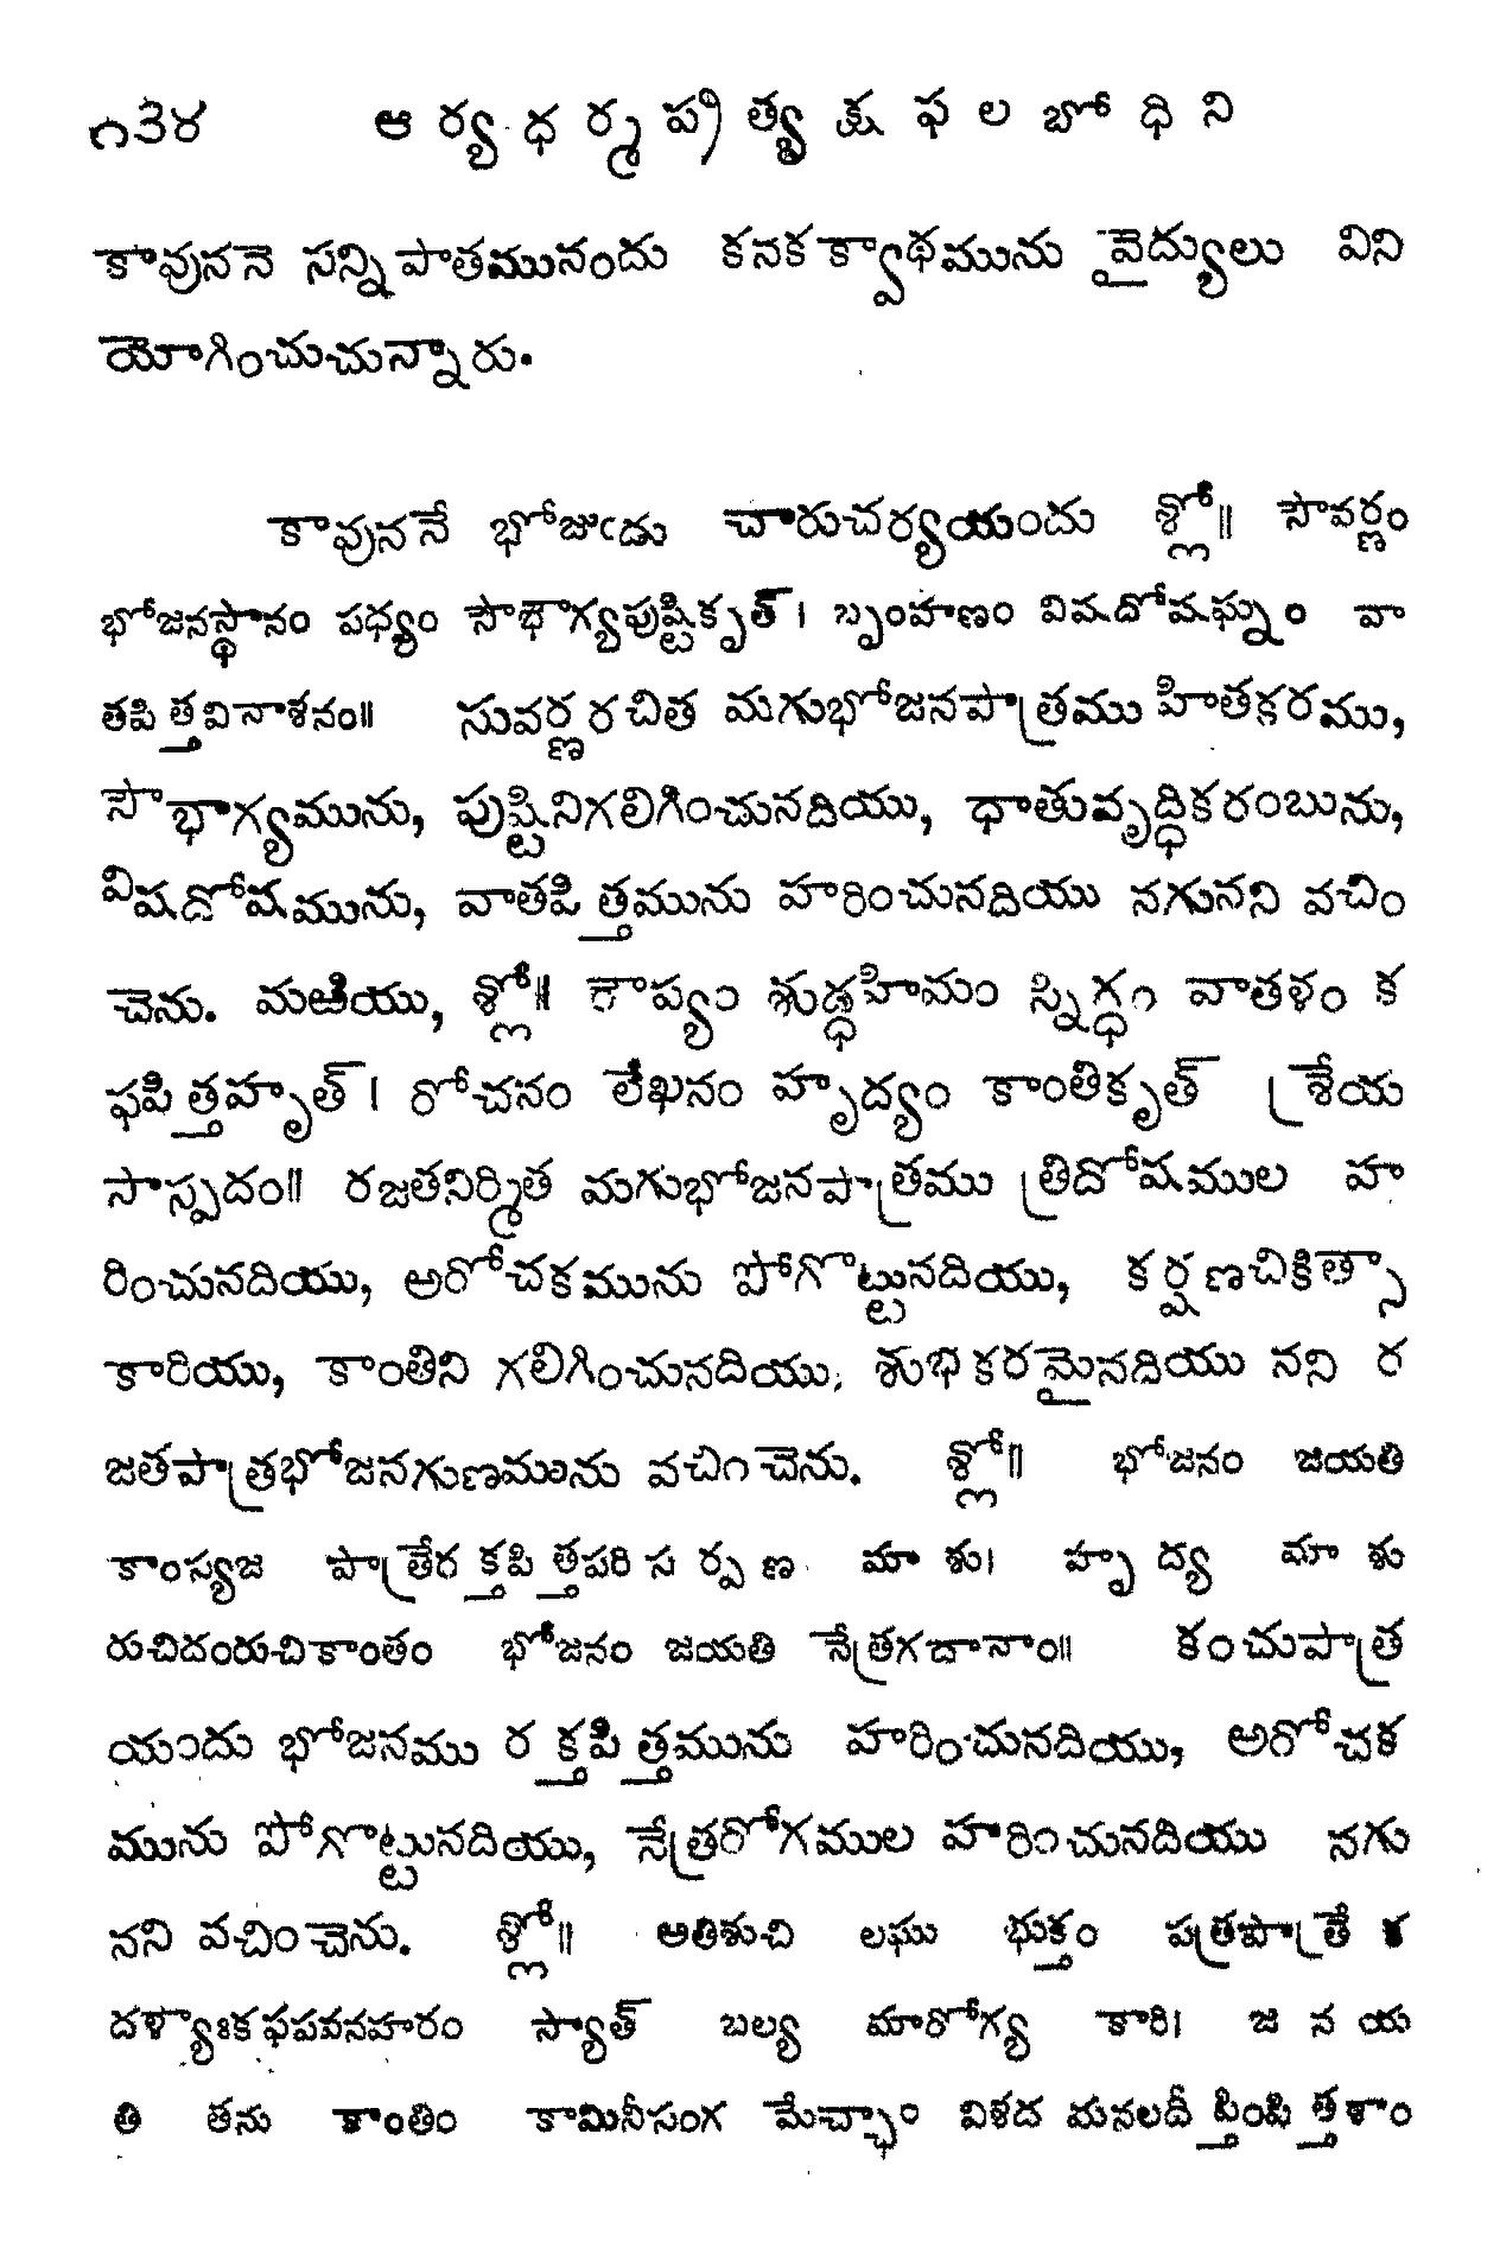కావుననె సన్నిపాతమునందు కనకక్వాథమును వైద్యులు వినియోగించుచున్నారు.

కావుననే భోజుఁడు చారుచర్యయందు శ్లో॥ సౌవర్ణం భోజనస్థానం పధ్యం సౌభాగ్యపుష్టికృత్ | బృంహణం విషదోషఘ్నం వాతపిత్తవినాశనం॥ సువర్ణరచిత మగుభోజనపాత్రము హితకరము, సౌభాగ్యమును, పుష్టినిగలిగించునదియు, ధాతువృద్ధికరంబును, విషదోషమును, వాతపిత్తమును హరించునదియు నగునని వచించెను. మఱియు, శ్లో॥ రౌప్యం శుద్ధహిమం స్నిద్ధం, వాతళం కఫపిత్తహృత్ ! రోచనం లేఖనం హృద్యం కాంతికృత్ శ్రేయసాస్పదం॥ రజతనిర్మిత మగుభోజనపాత్రము త్రిదోషముల హరించునదియు, అరోచకమును పోగొట్టునదియు, కర్షణచికిత్సాకారియు, కాంతిని గలిగించునదియు, శుభకరమైనదియు నని రజతపాత్రభోజనగుణమును వచించెను. శ్లో॥ భోజనం జయతి 
కాంస్యజ పాత్రేరక్తపిత్తపరి సర్పణ మా శు॥ హృద్య మా శురుచిదంరుచికాంతం భోజనం జయతి నేత్రగదానాం॥ కంచుపాత్ర యందు భోజనము రక్తపిత్తమును హరించునదియు, అరోచకమును పోగొట్టునదియు, నేత్రరోగముల హరించునదియు నగునని వచించెను. శ్లో॥ అతిశుచి లఘు భుక్తం పత్రపాత్రే కదళ్యాఃకఫపవనహరం స్యాత్ బల్య మారోగ్య కారి। జనయతి తను కాంతిం కామినీసంగ మేచ్ఛాం విశద మనలదీప్తింపిత్తశాం